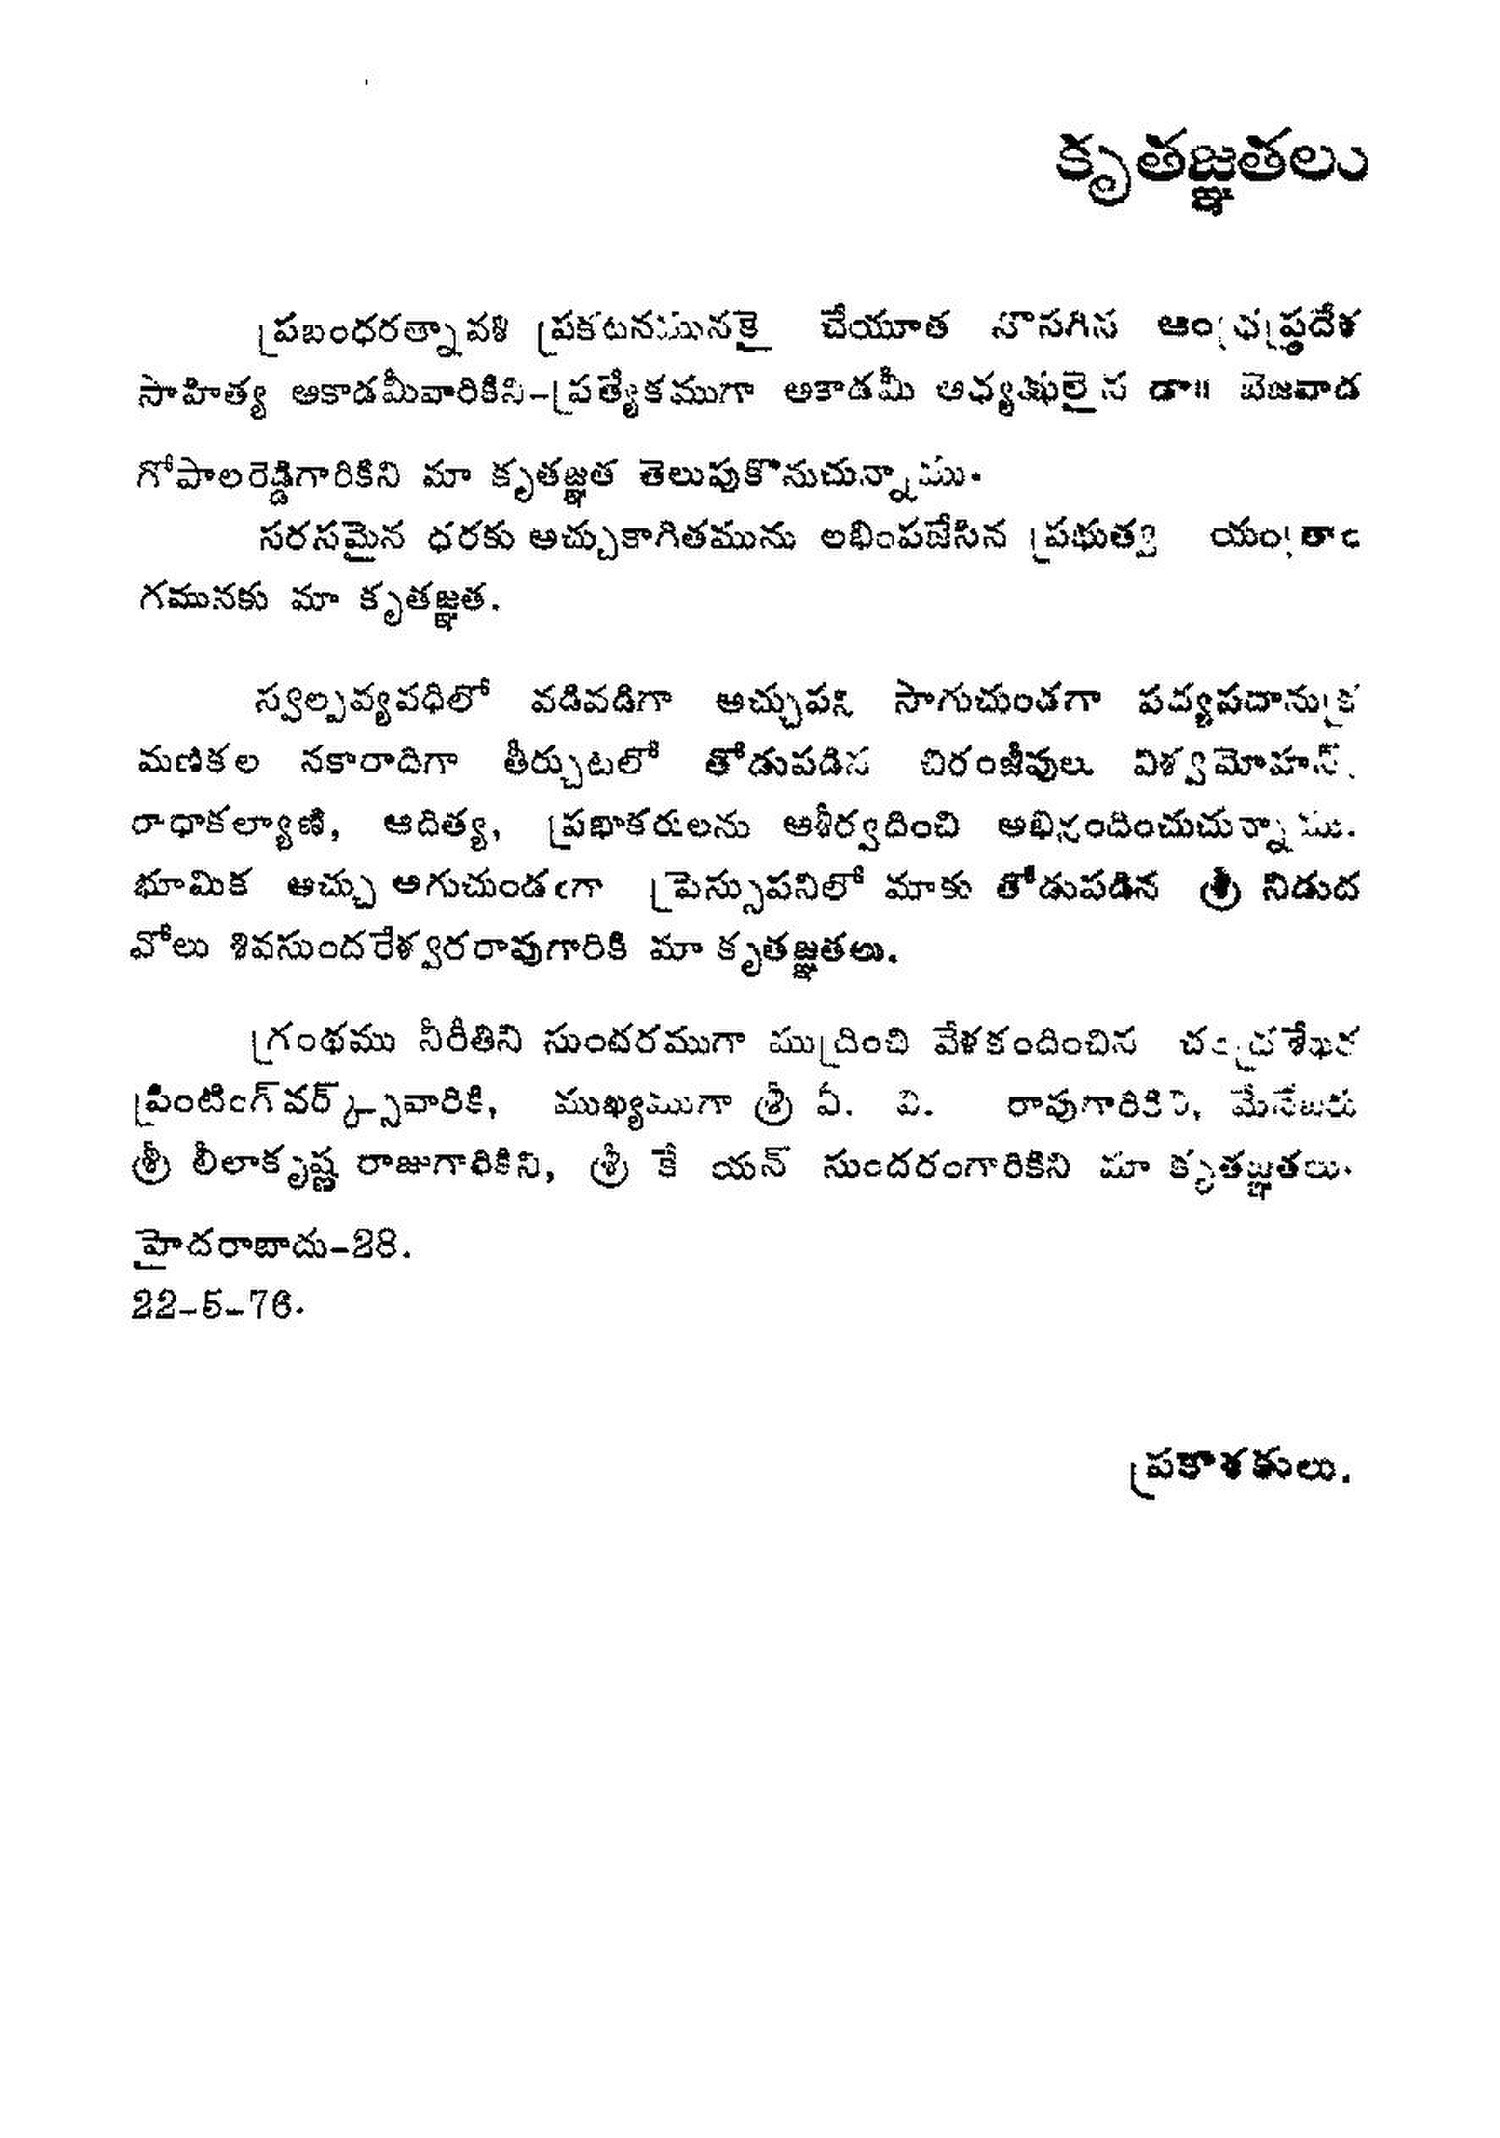కృతజ్ఞతలు

ప్రబంధరత్నావళి ప్రకటనమునకై చేయూత నొసగిన ఆంఛప్రదేశ సాహిత్య అకాడమీ వారికిని-ప్రత్యేకముగా అకాడమీ అధ్యక్షులైన డా॥ బెజవాడ గోపాలరెడ్డిగారికిని మా కృతజ్ఞత తెలుపుకొనుచున్నాము.

సరసమైన ధరకు అచ్చుకాగితమును లభింపజేసిన ప్రభుత్వ యంత్రాంగమునకు మా కృతజ్ఞత.

స్వల్పవ్యవధిలో వడివడిగా అచ్చుపని సాగుచుండగా పద్యపదానుక్రమణికల సకారాదిగా తీర్చుటలో తోడుపడిన చిరంజీవులు విశ్వమోహన్, రాధాకల్యాణి, ఆదిత్య, ప్రభాకరులను ఆశీర్వదించి అభినందించుచున్నాము. భూమిక అచ్చు అగుచుండఁగా ప్రెస్సుపనిలో మాకు తోడుపడిన శ్రీ నిడుదవోలు శివసుందరేశ్వరరావుగారికి మా కృతజ్ఞతలు.

గ్రంథము నీరీతిని సుందరముగా ముద్రించి వేళకందించిన చంద్రశేఖర ప్రింటింగ్ వర్క్స్ వారికి, ముఖ్యముగా శ్రీ ఏ. వి. రావు గారికి, మేనేజరు శ్రీ లీలాకృష్ణ రాజుగారికిని, శ్రీ కే యన్ సుందరంగారికిని మా కృతజ్ఞతలు. 

హైదరాబాదు-28. 
22-5-76.